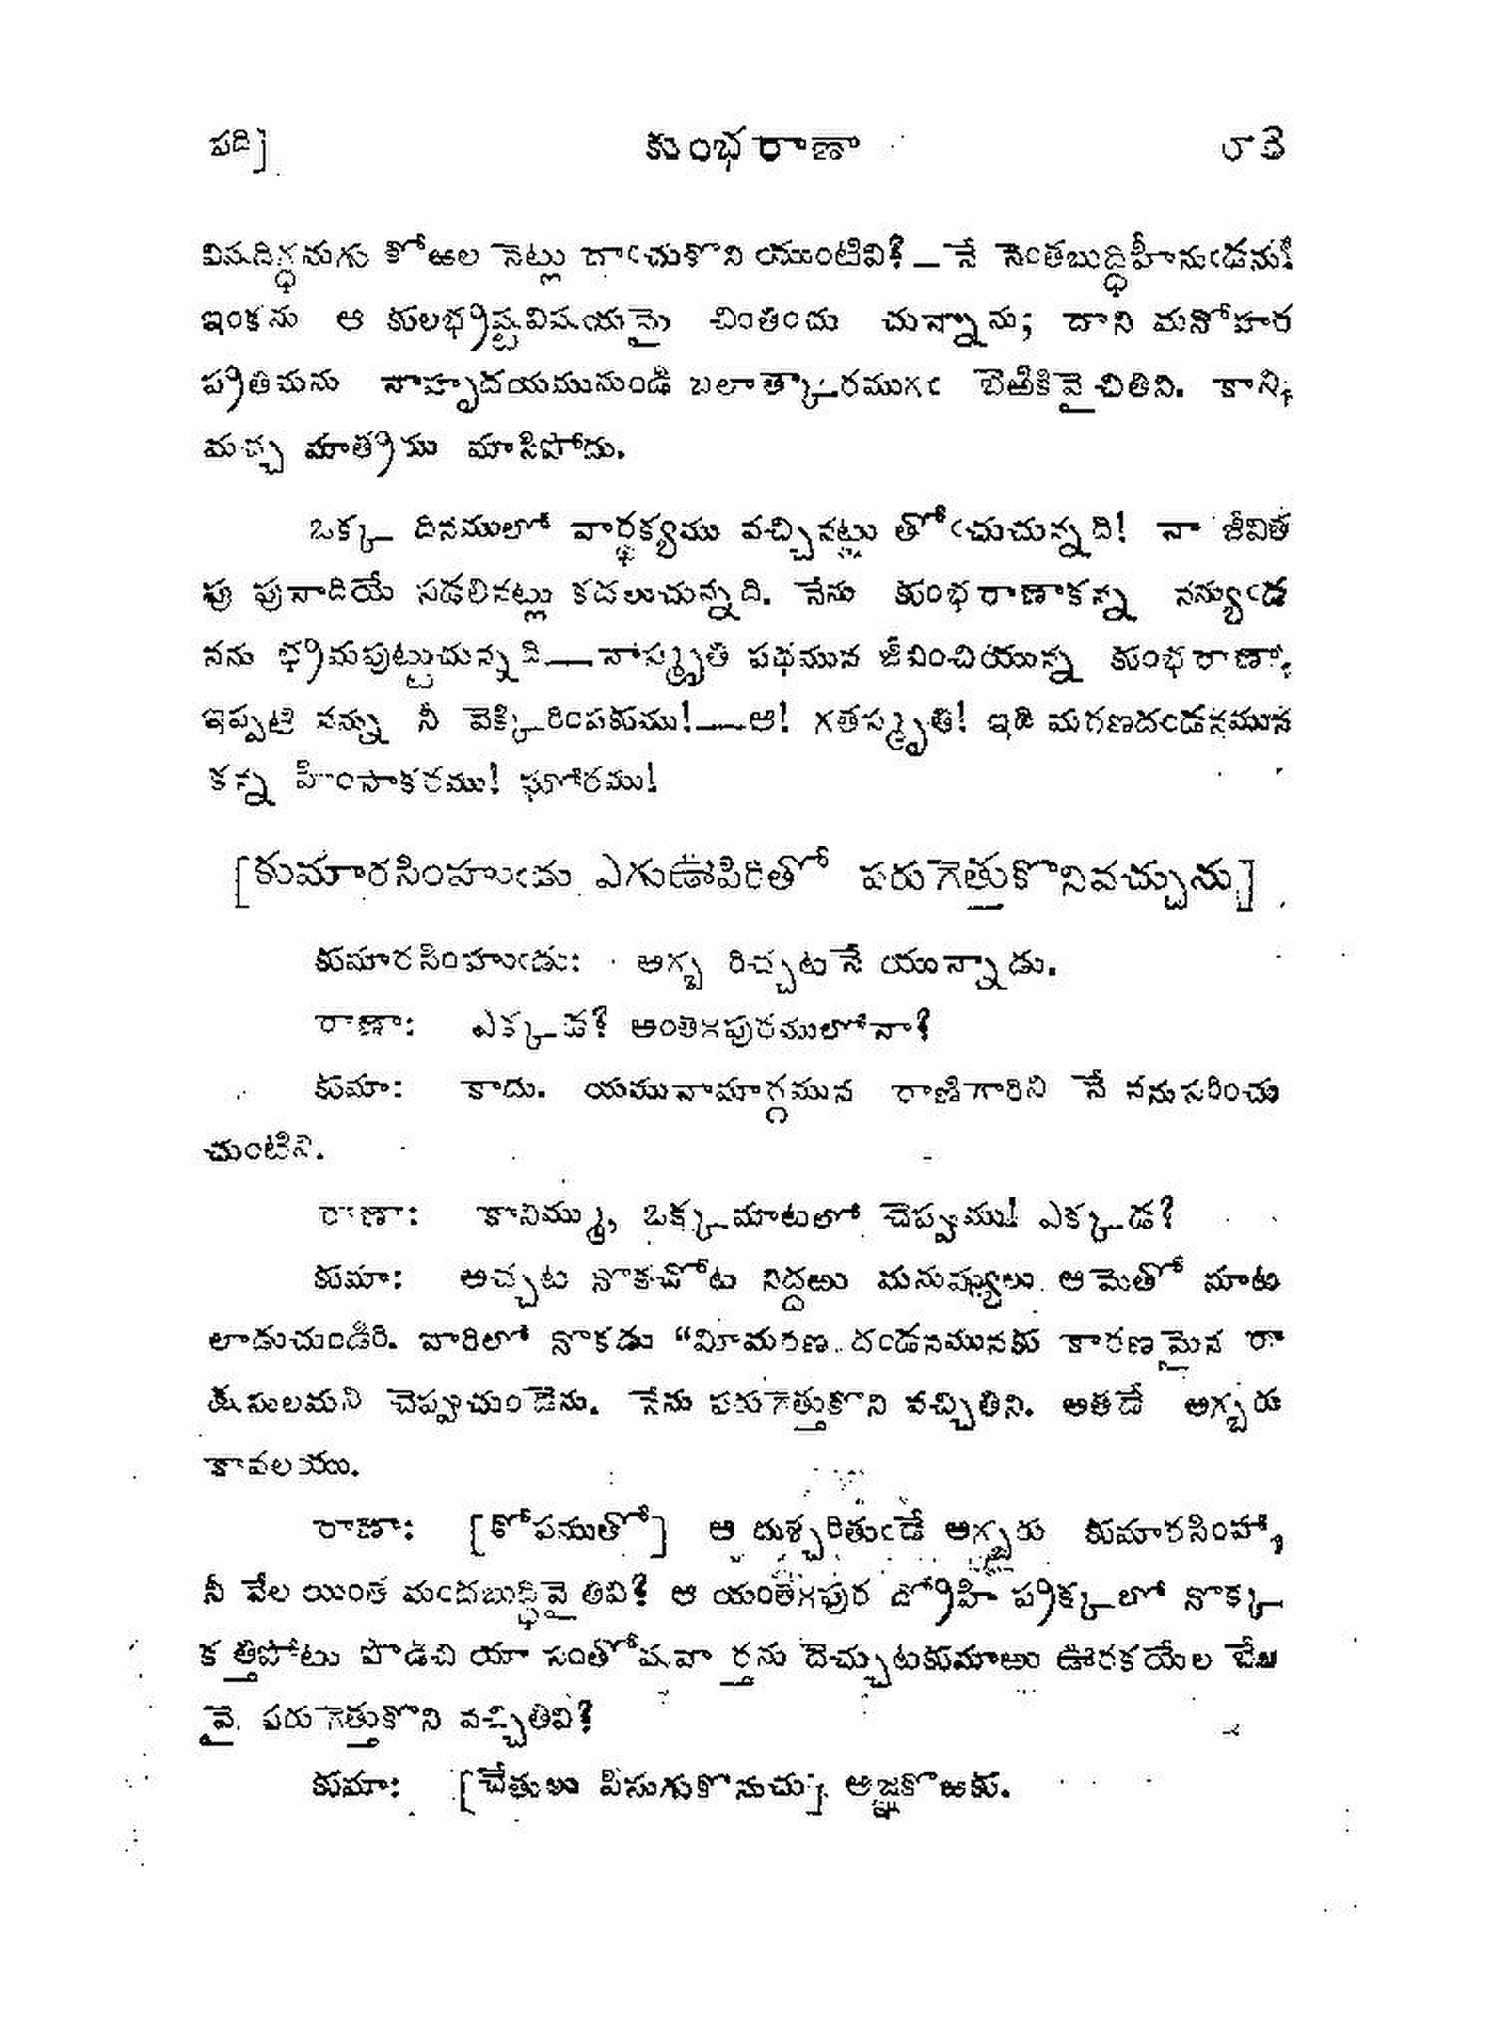విషదిగ్ధమగు కోఱల నెట్లు దాఁచుకొని యుంటివి? - నే నెంతబుద్ధిహీనుఁడను! ఇంకను ఆ కులభ్రష్టవిషయమై చింతించు చున్నాను; దాని మనోహర ప్రతిమను నాహృదయమునుండి బలాత్కారముగఁ బెఱికివైచితిని. కాని, మచ్చ మాత్రము మాసిపోదు.

ఒక్క దినములో వార్థక్యము వచ్చినట్లు తోఁచుచున్నది! నా జీవితపు పునాదియే సడలినట్లు కదలుచున్నది. నేను కుంభరాణాకన్న నన్యుఁడను భ్రమపుట్టుచున్నది - నాస్మృతి పథమున జీవించియున్న కుంభరాణా, ఇప్పటి నన్ను నీ వెక్కిరింపకుము! - ఆ! గతస్మృతి! ఇది మరణదండనమున కన్న హింసాకరము! ఘోరము!

కుమారసింహుఁడు : అగ్బ రిచ్చటనే యున్నాడు.

రాణా : ఎక్కడ? అంత:పురములోనా?

కుమా : కాదు. యమునామార్గమున రాణిగారిని నే ననుసరించు చుంటిని.

రాణా : కానిమ్ము, ఒక్కమాటలో చెప్పుము! ఎక్కడ?

కుమా : అచ్చట నొకచోట నిద్దఱు మనుష్యులు ఆమెతో మాటలాడుచుండిరి. వారిలో నొకడు "మీమరణ దండనమునకు కారణమైన రాక్షసులమని చెప్పుచుండెను. నేను పరుగెత్తుకొని వచ్చితిని. అతడే అగ్బరు కావలయు.

రాణా : [కోపముతో] ఆ దుశ్చరితుఁడే అగ్బరు కుమారసింహా, నీ వేల యింత మందబుద్ధివైతివి? ఆ యంత:పుర ద్రోహి ప్రక్కలో నొక్క కత్తిపోటు పొడిచి యా సంతోషవార్తను దెచ్చుటకుమాఱు ఊరకయేల బేలవై పరుగెత్తుకొని వచ్చితివి?

కుమా : [చేతులు పిసుగుకొనుచు] ఆజ్ఞకొఱకు.